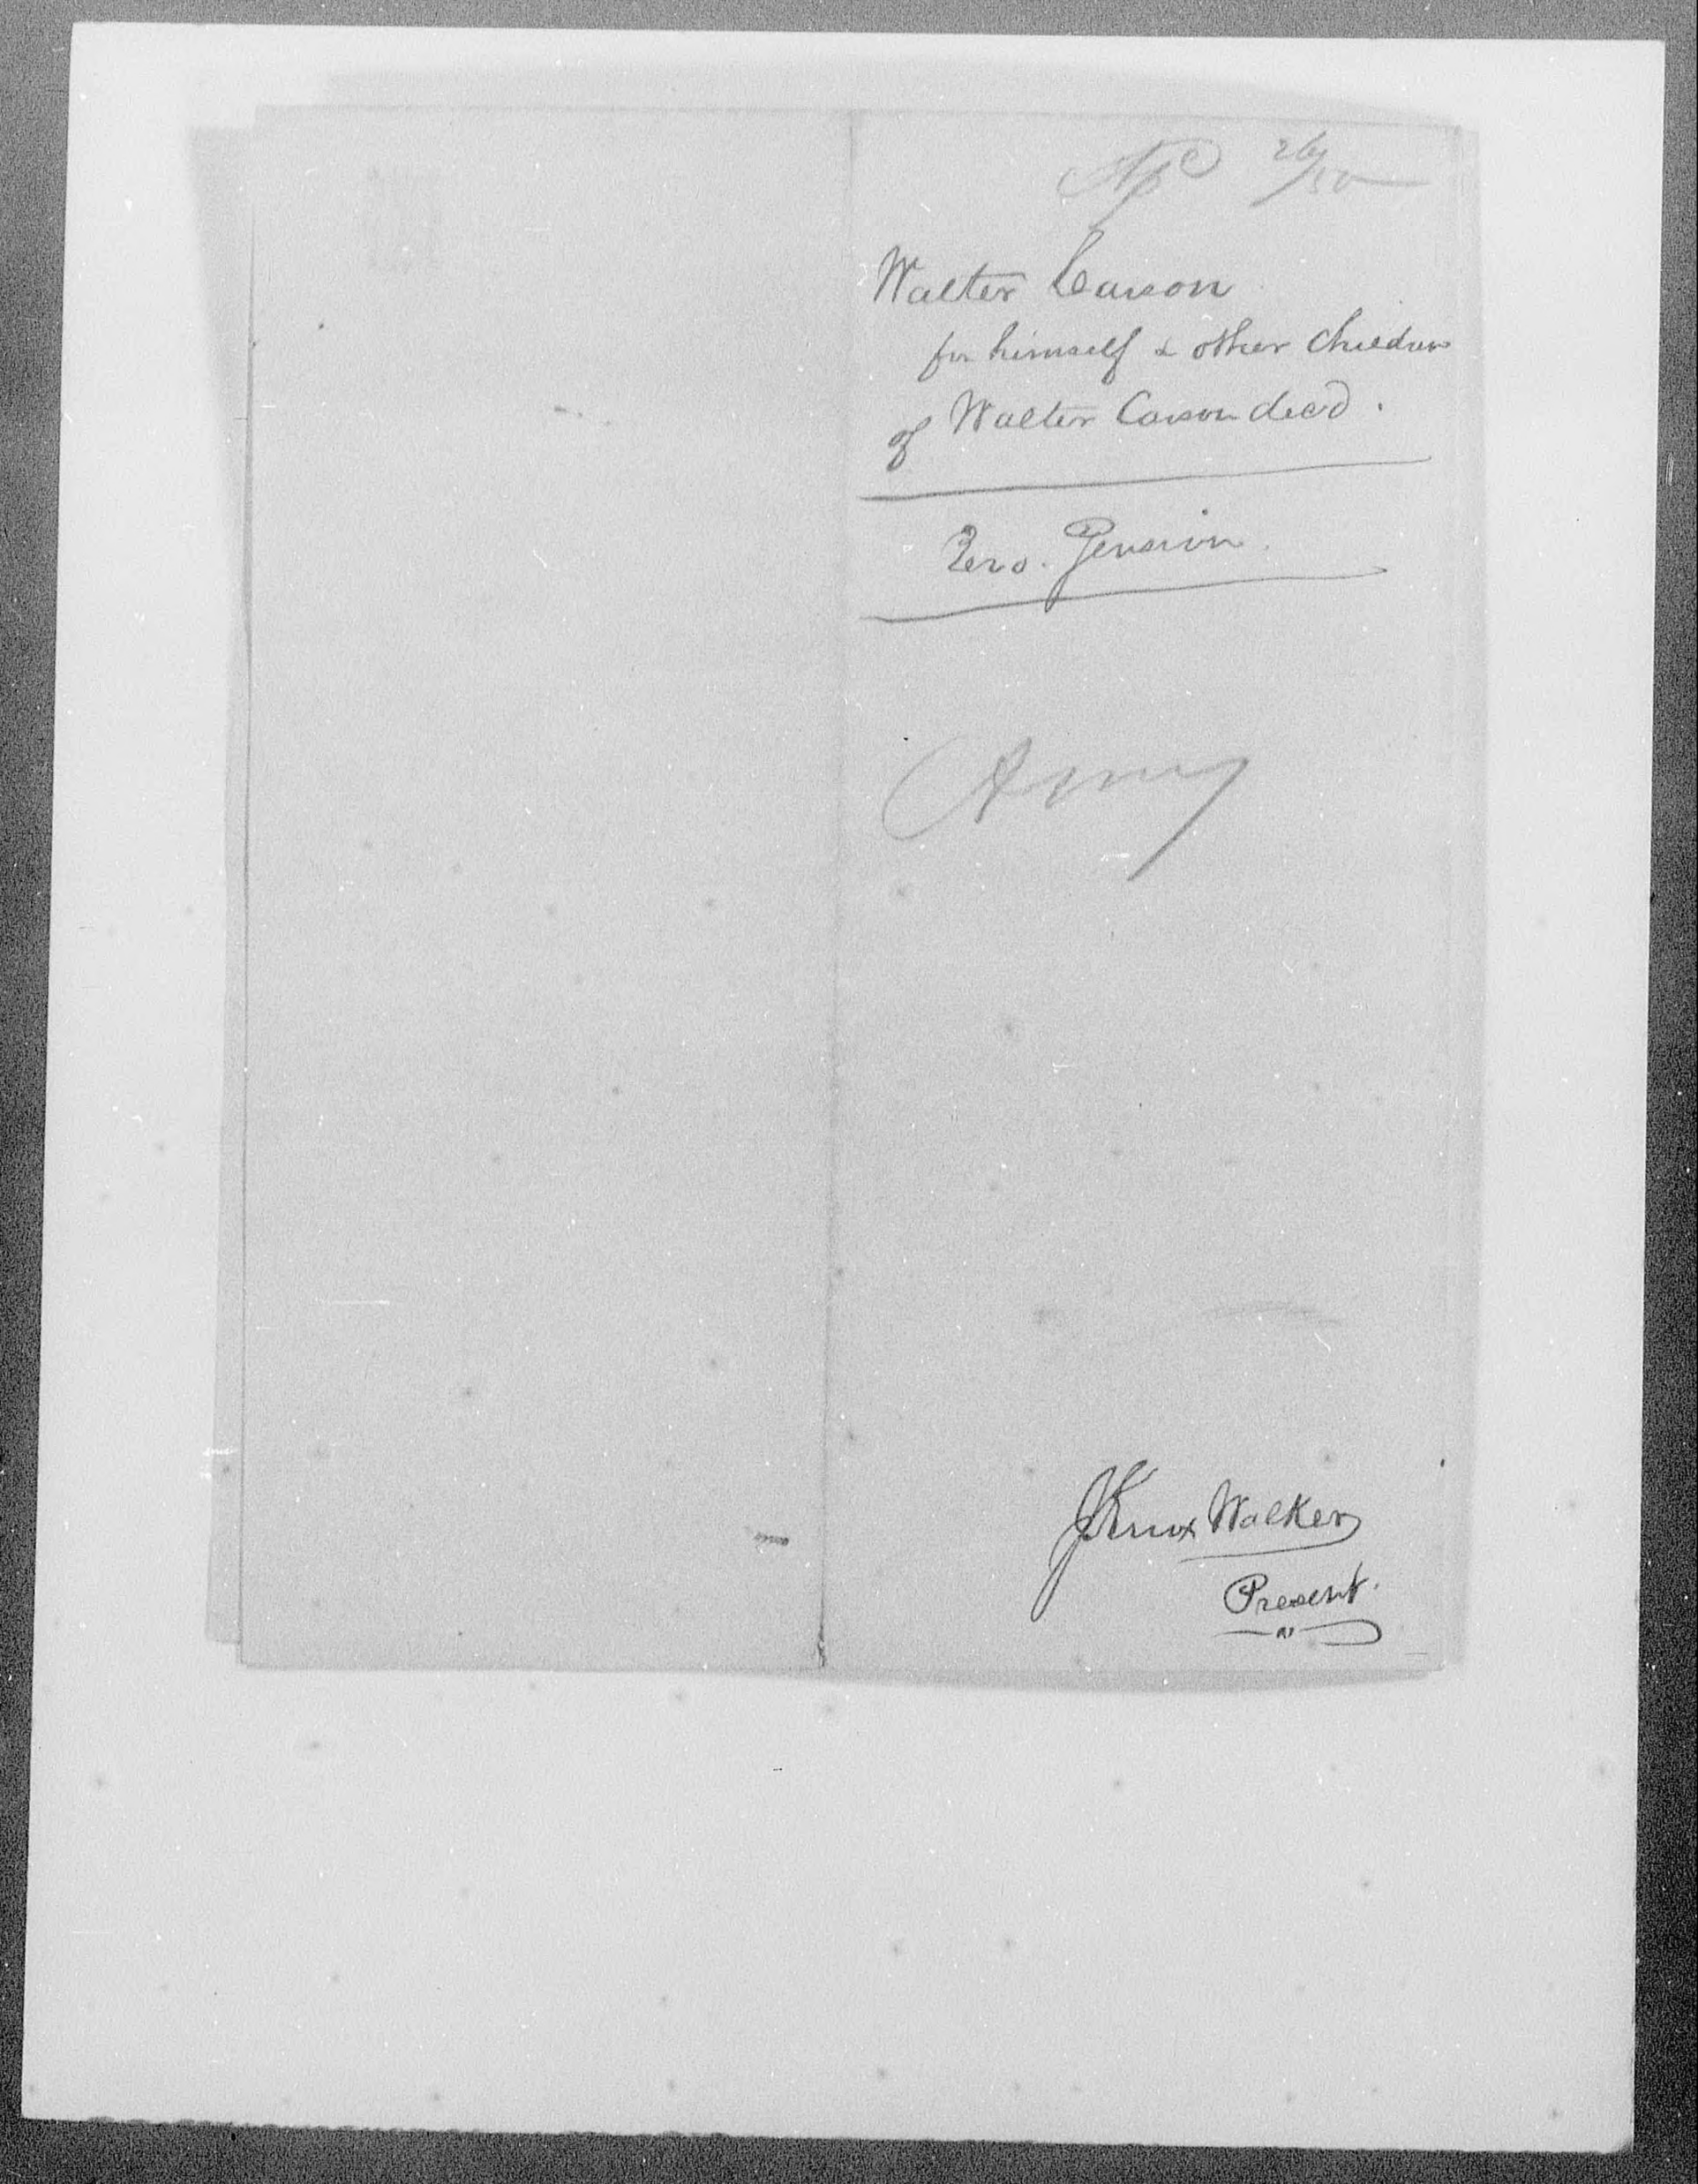Apl 26/50
Walter Carson
for himself & other children of Walter Carson decd
---
Zero Pension
---
Army


J Knox Walker
Present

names: J Knox Walker, Walter Carson, Walter Carson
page: 18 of 34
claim: rejected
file: R. 1,738, Walter Carson, N.C. S.C.